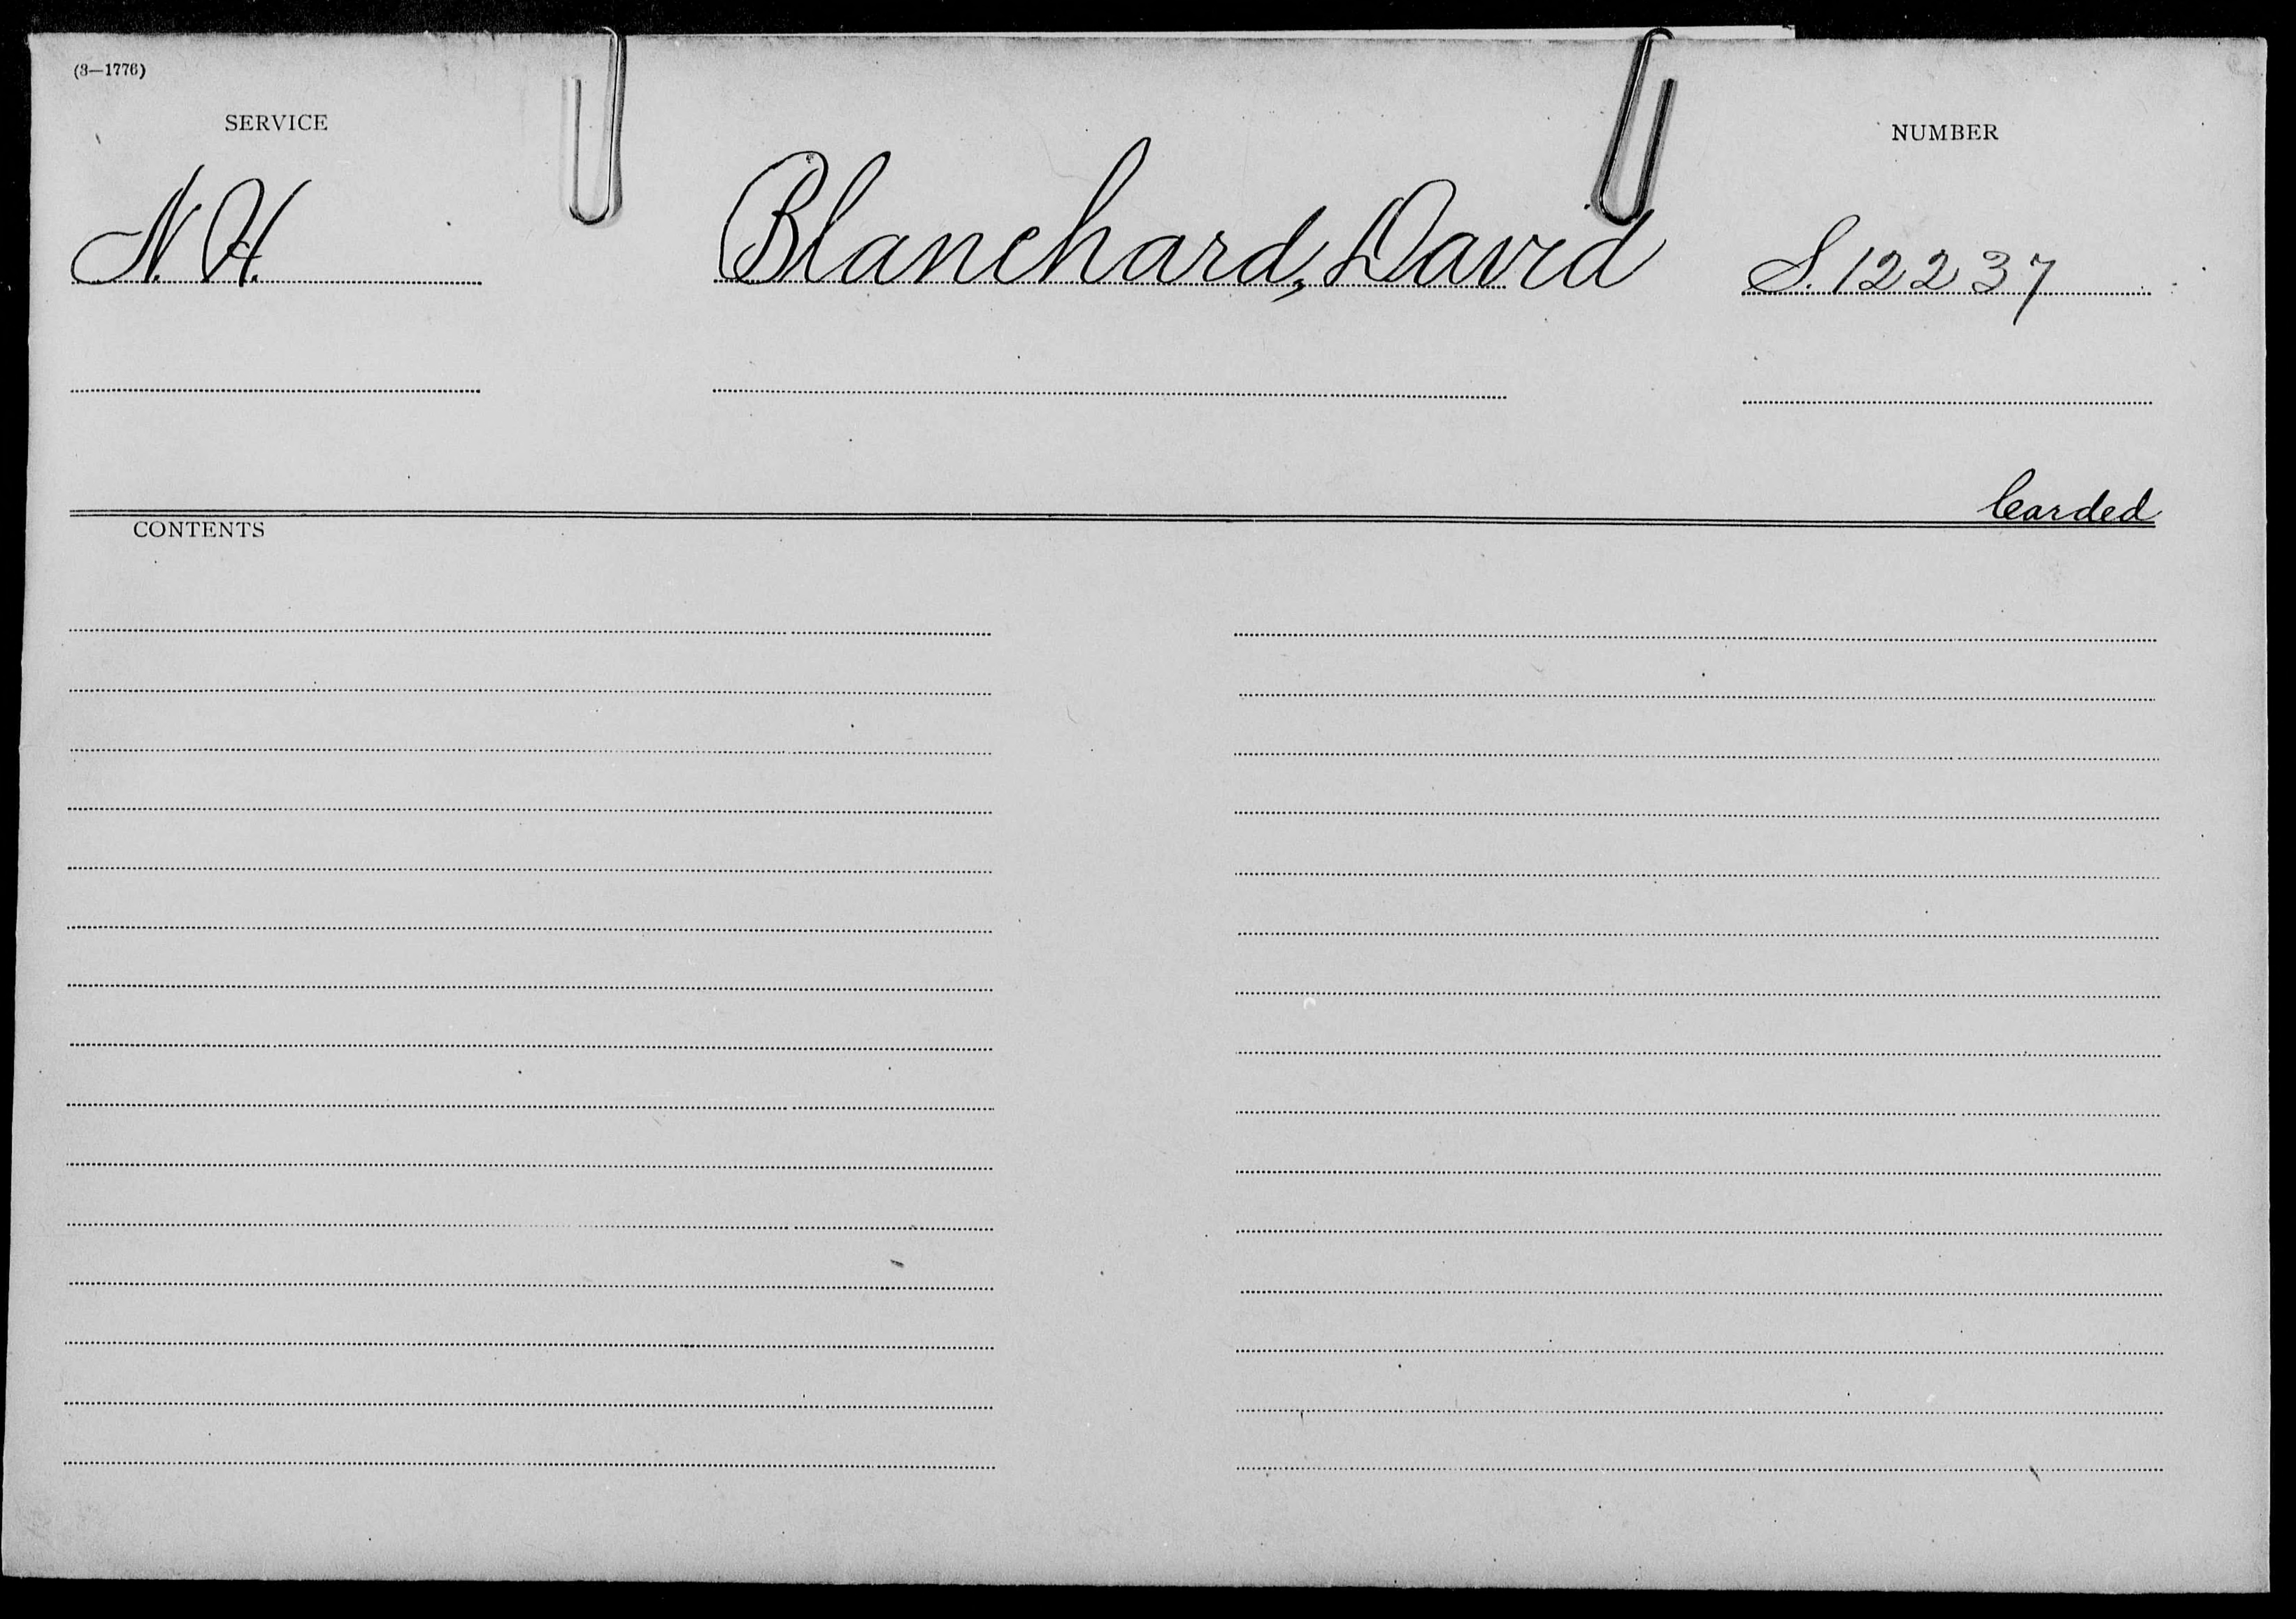Service
N. H.
Blanchard, David
Number
S. 12237
Carded
Contests
[blank]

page: 1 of 23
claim: survivor's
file: S. 12237, David Blanchard, N. H.